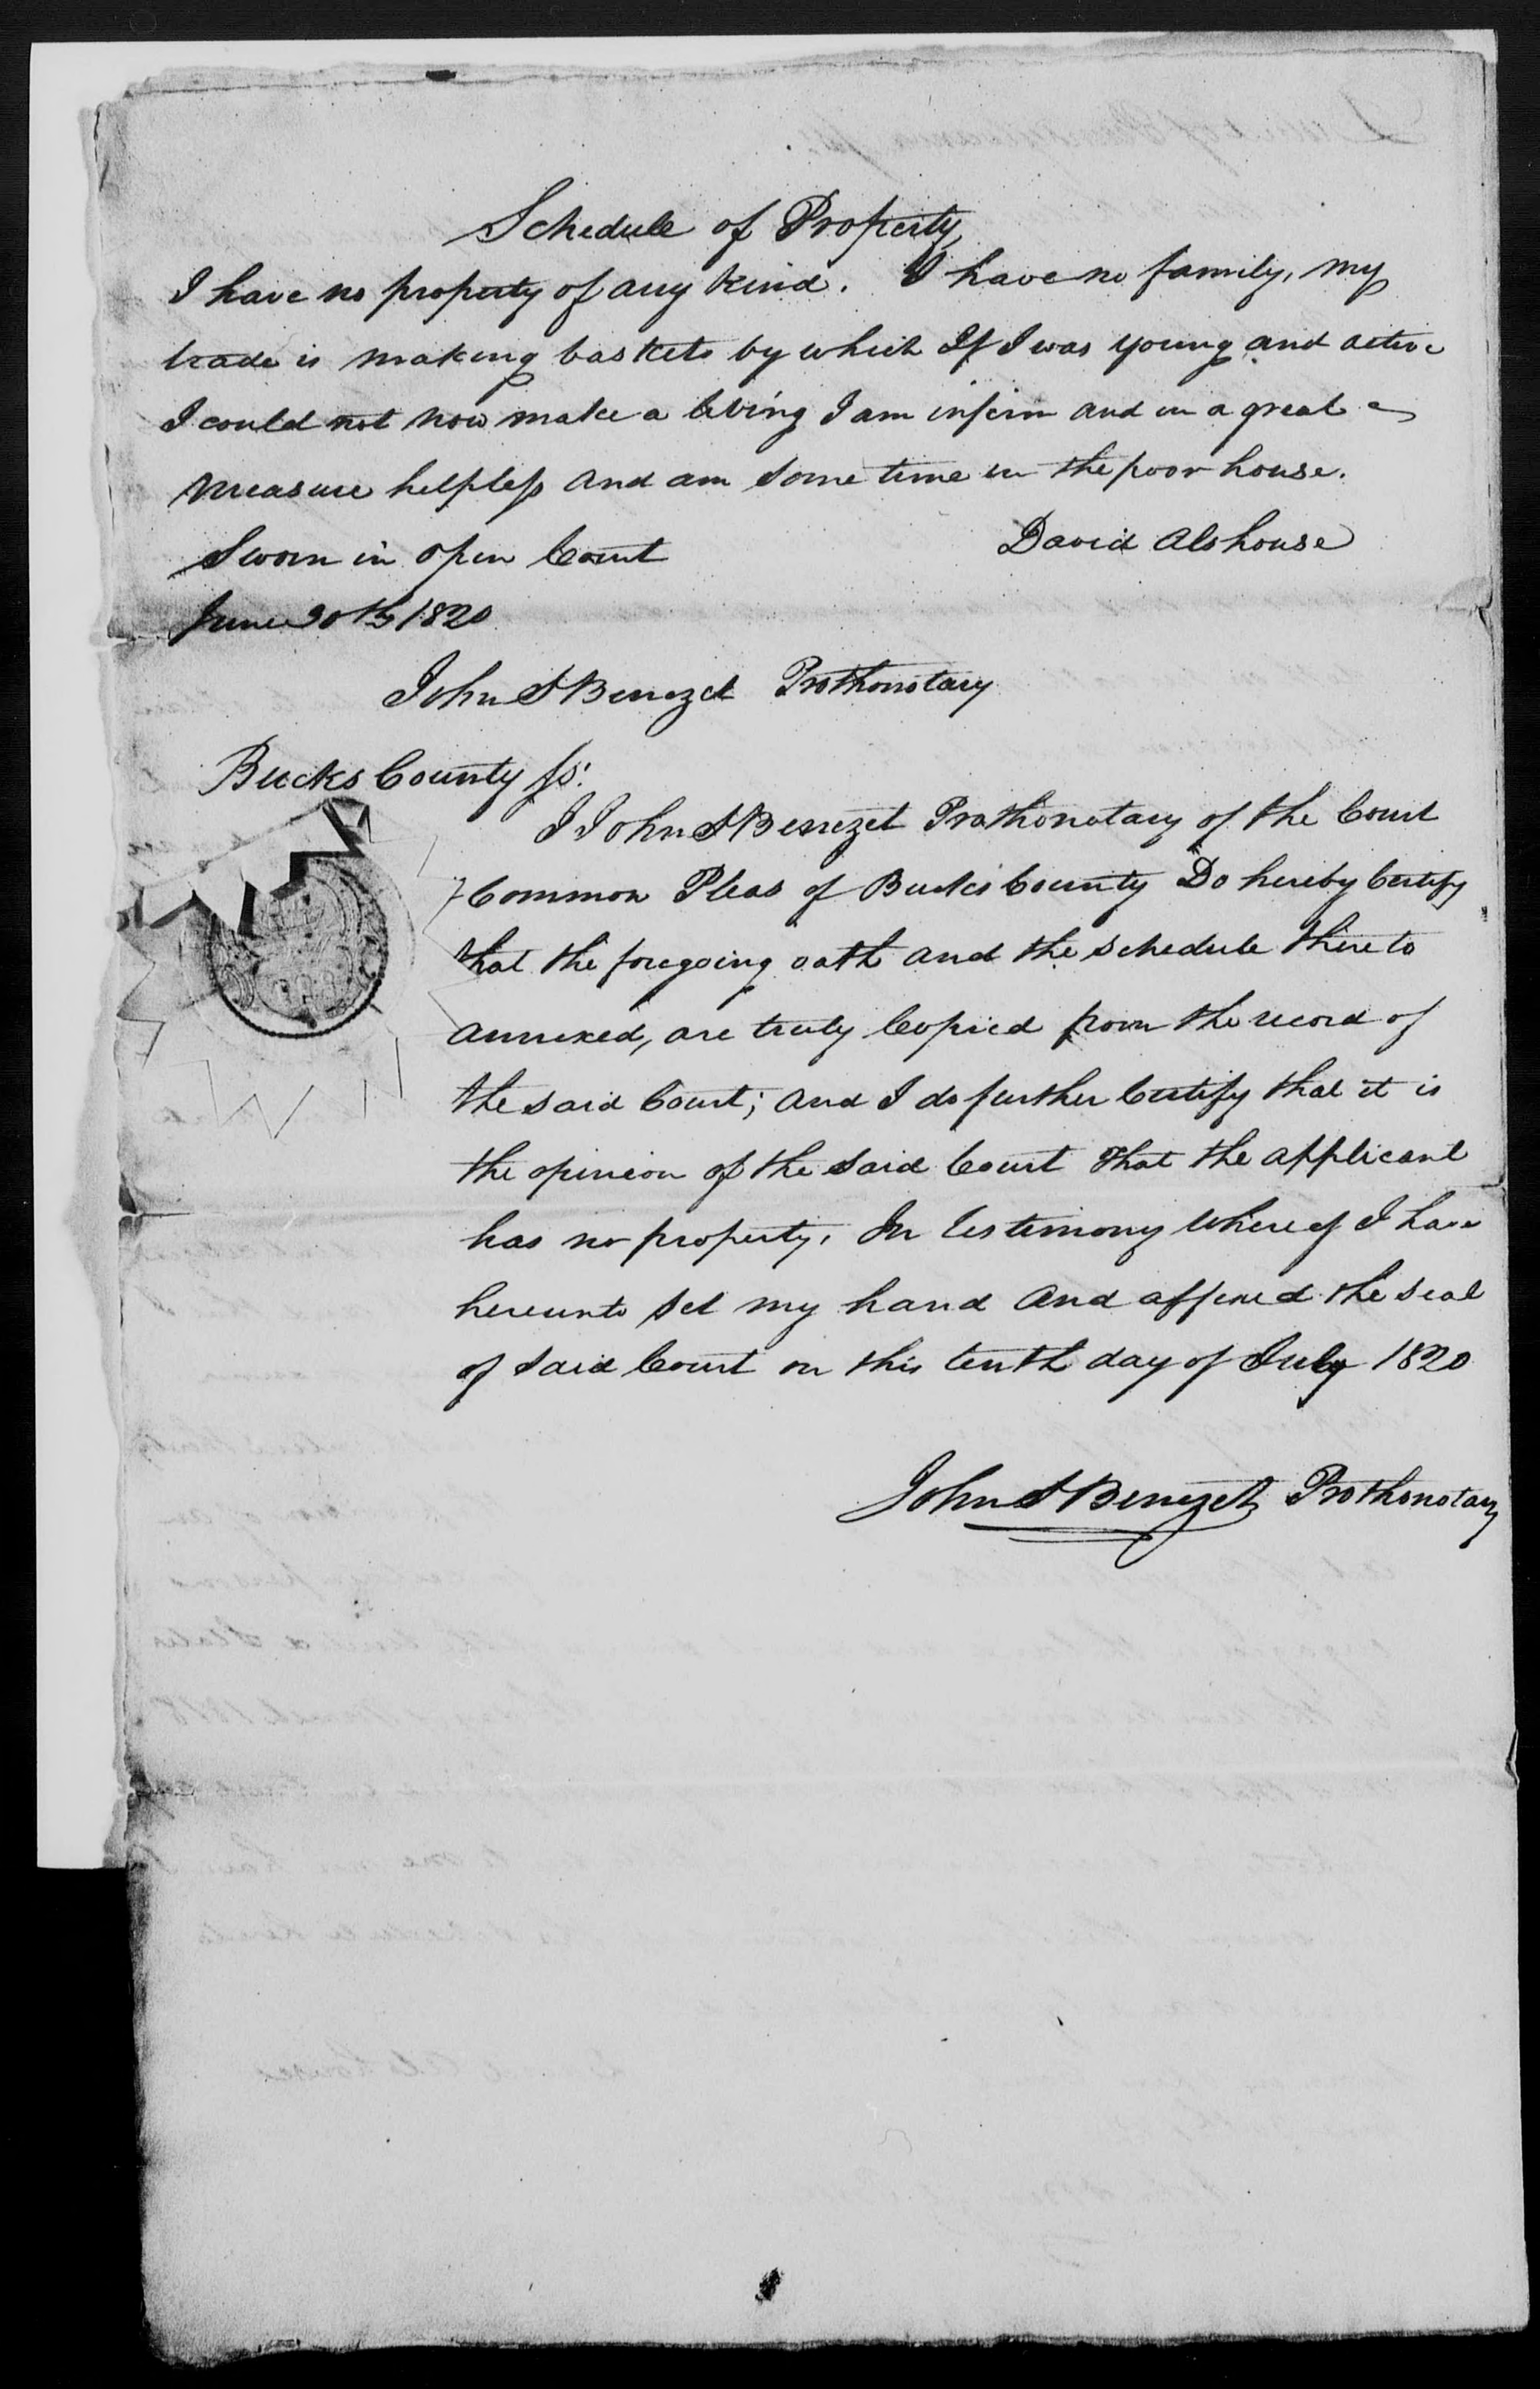Schedule of Property
I have no property of any kind. I have no family, my trade is making baskets by which if I was young and active I could not now make a living  I am infirm and in a great measure helpless and am sometime in the poor house.
David Alshouse [signature]

Sworn in open Court
June 20th 1820
John S. Benezet Prothonotary [signature]

Bucks County Ss:
[SEAL]
I John S. Benezet Prothonotary of the Court of Common Pleas of Bucks County do hereby certify that the foregoing oath and the schedule thereto annexed, are truly copied from the record of the said Court; and I do further certify that it is the opinion of the said Court that the applicant has no property. In testimony whereof I have hereunto set my hand and affixed the seal of said Court on this tenth day of July 1820

John S. Benezet Prothonotary [signature]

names: John S Benezet, David Alshouse, John S Benezet, John S Benezet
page: 12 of 17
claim: survivor's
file: S. 39928, David Alshouse, Penn.